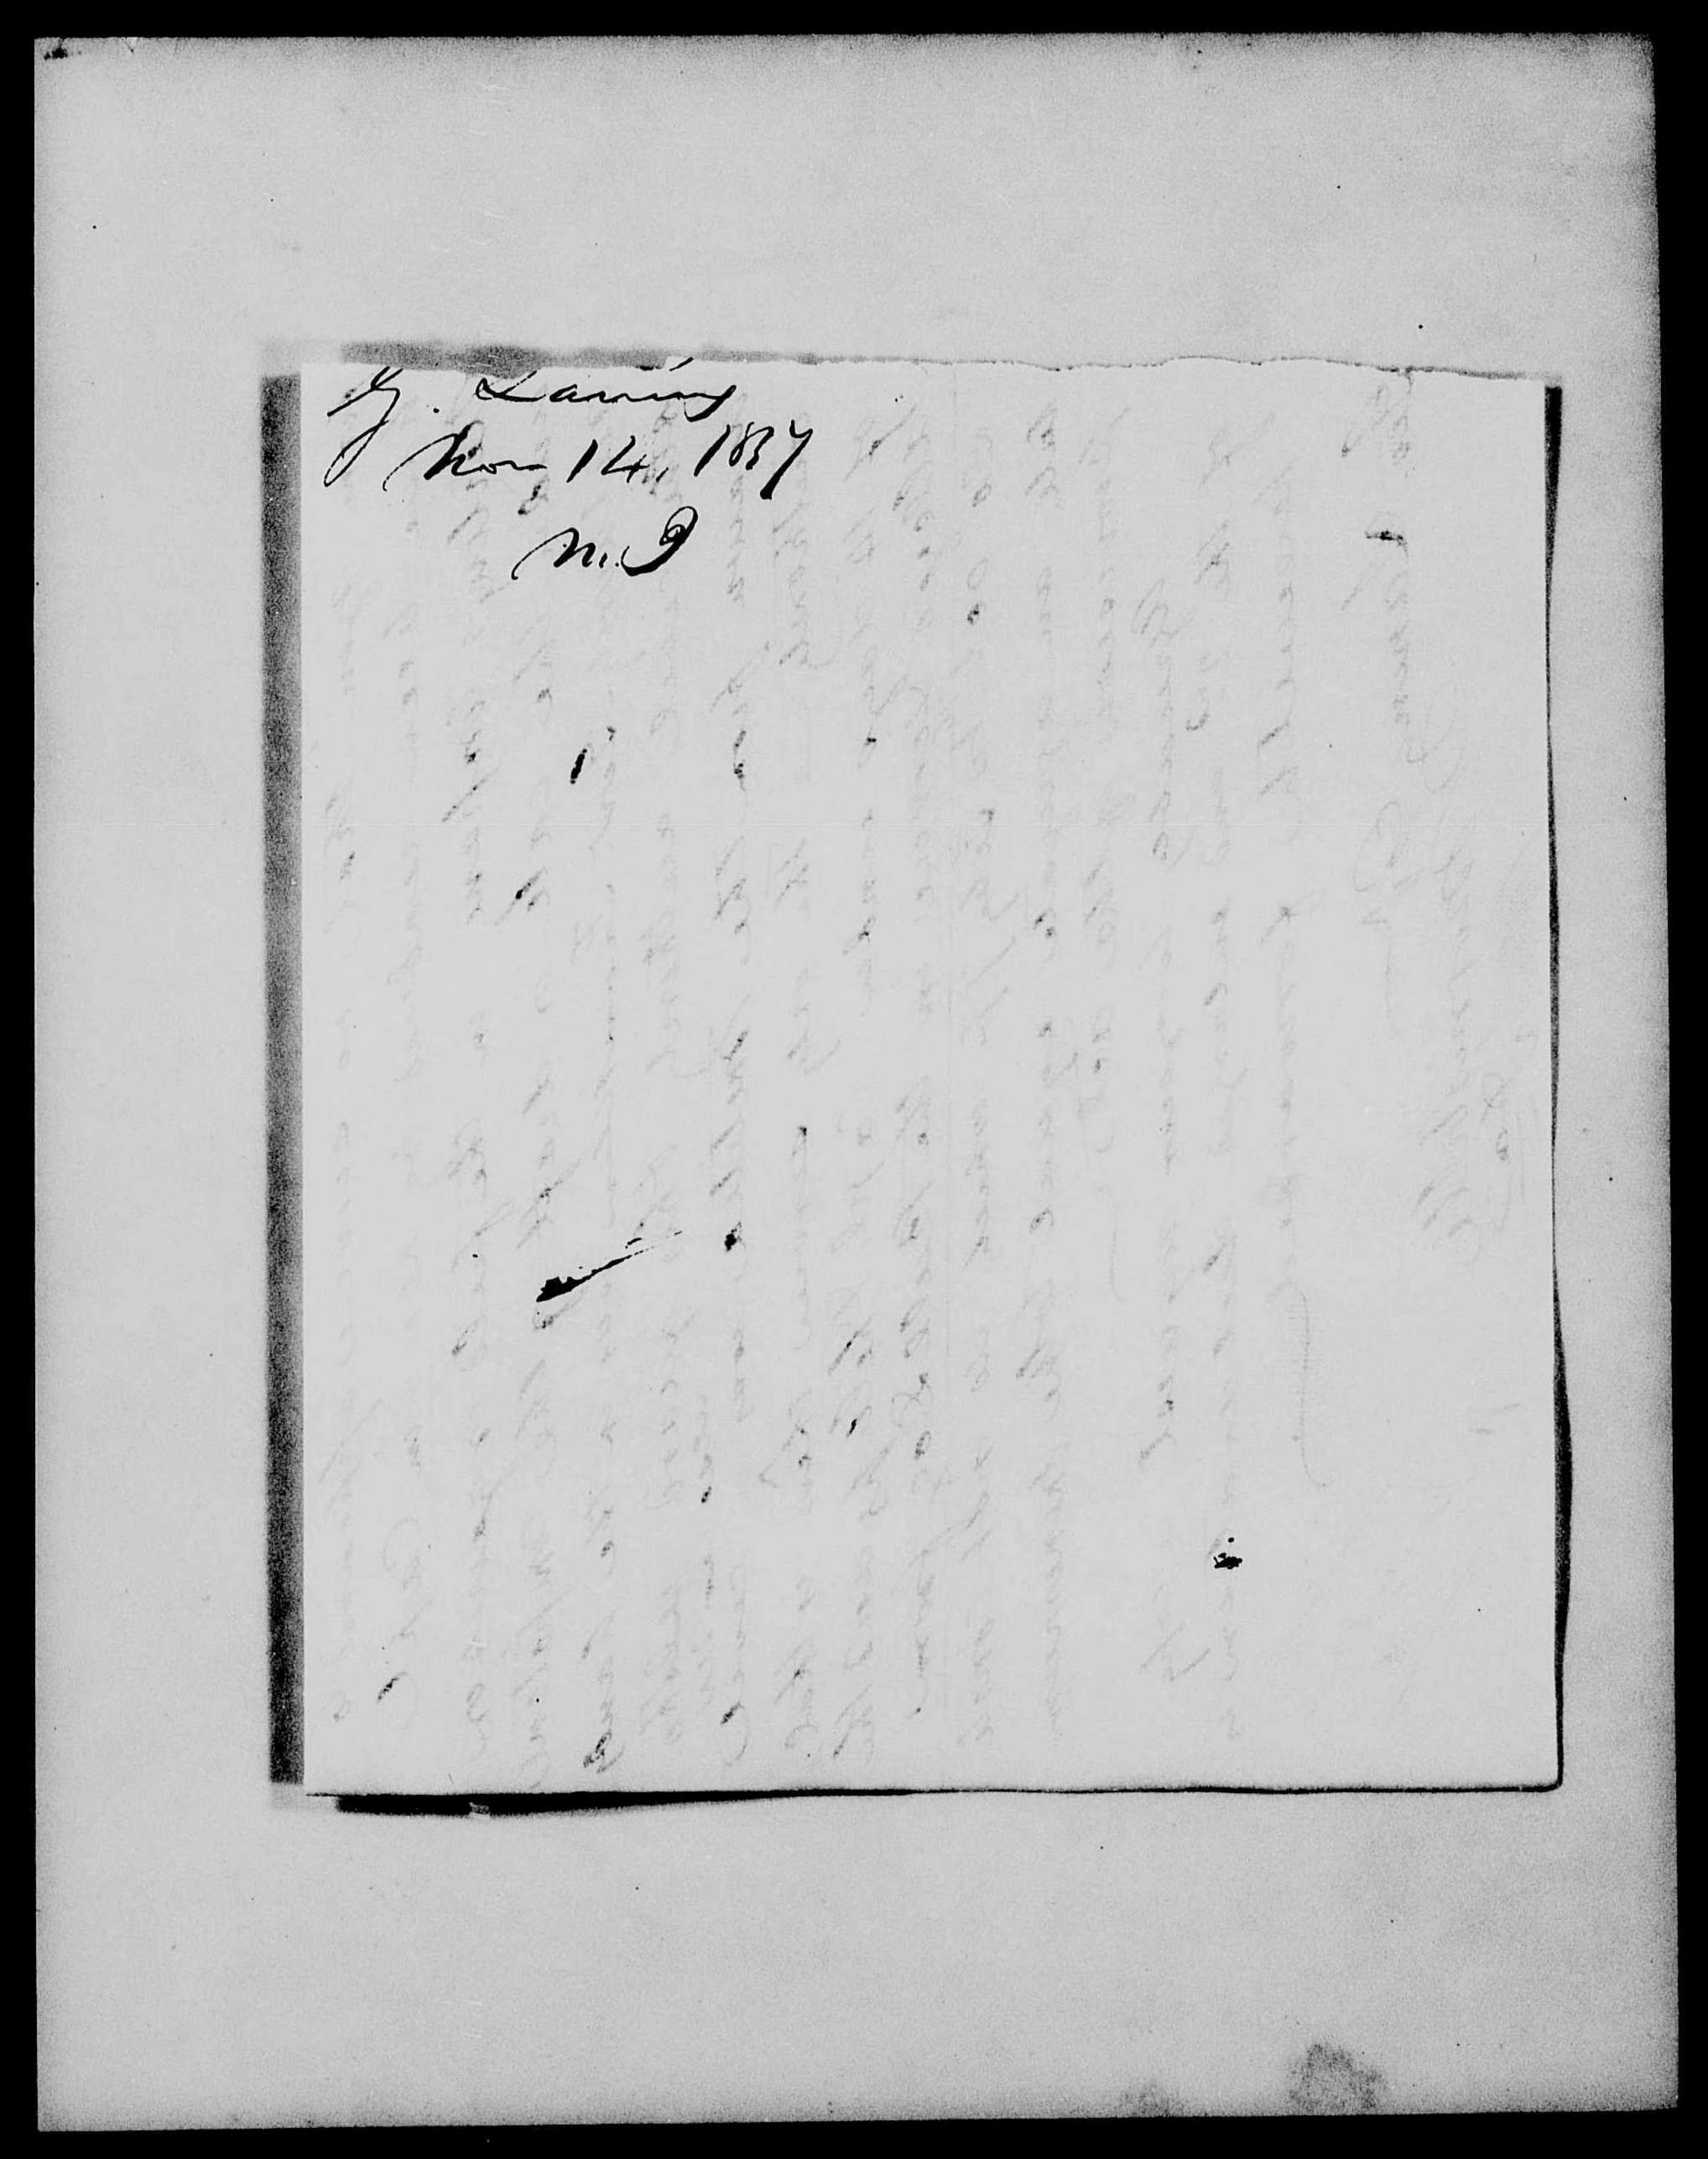G. Laning
Nov 14, 1837
N. J.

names: G Laning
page: 15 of 39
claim: rejected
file: R. 6154, for James Laning, New Jersey